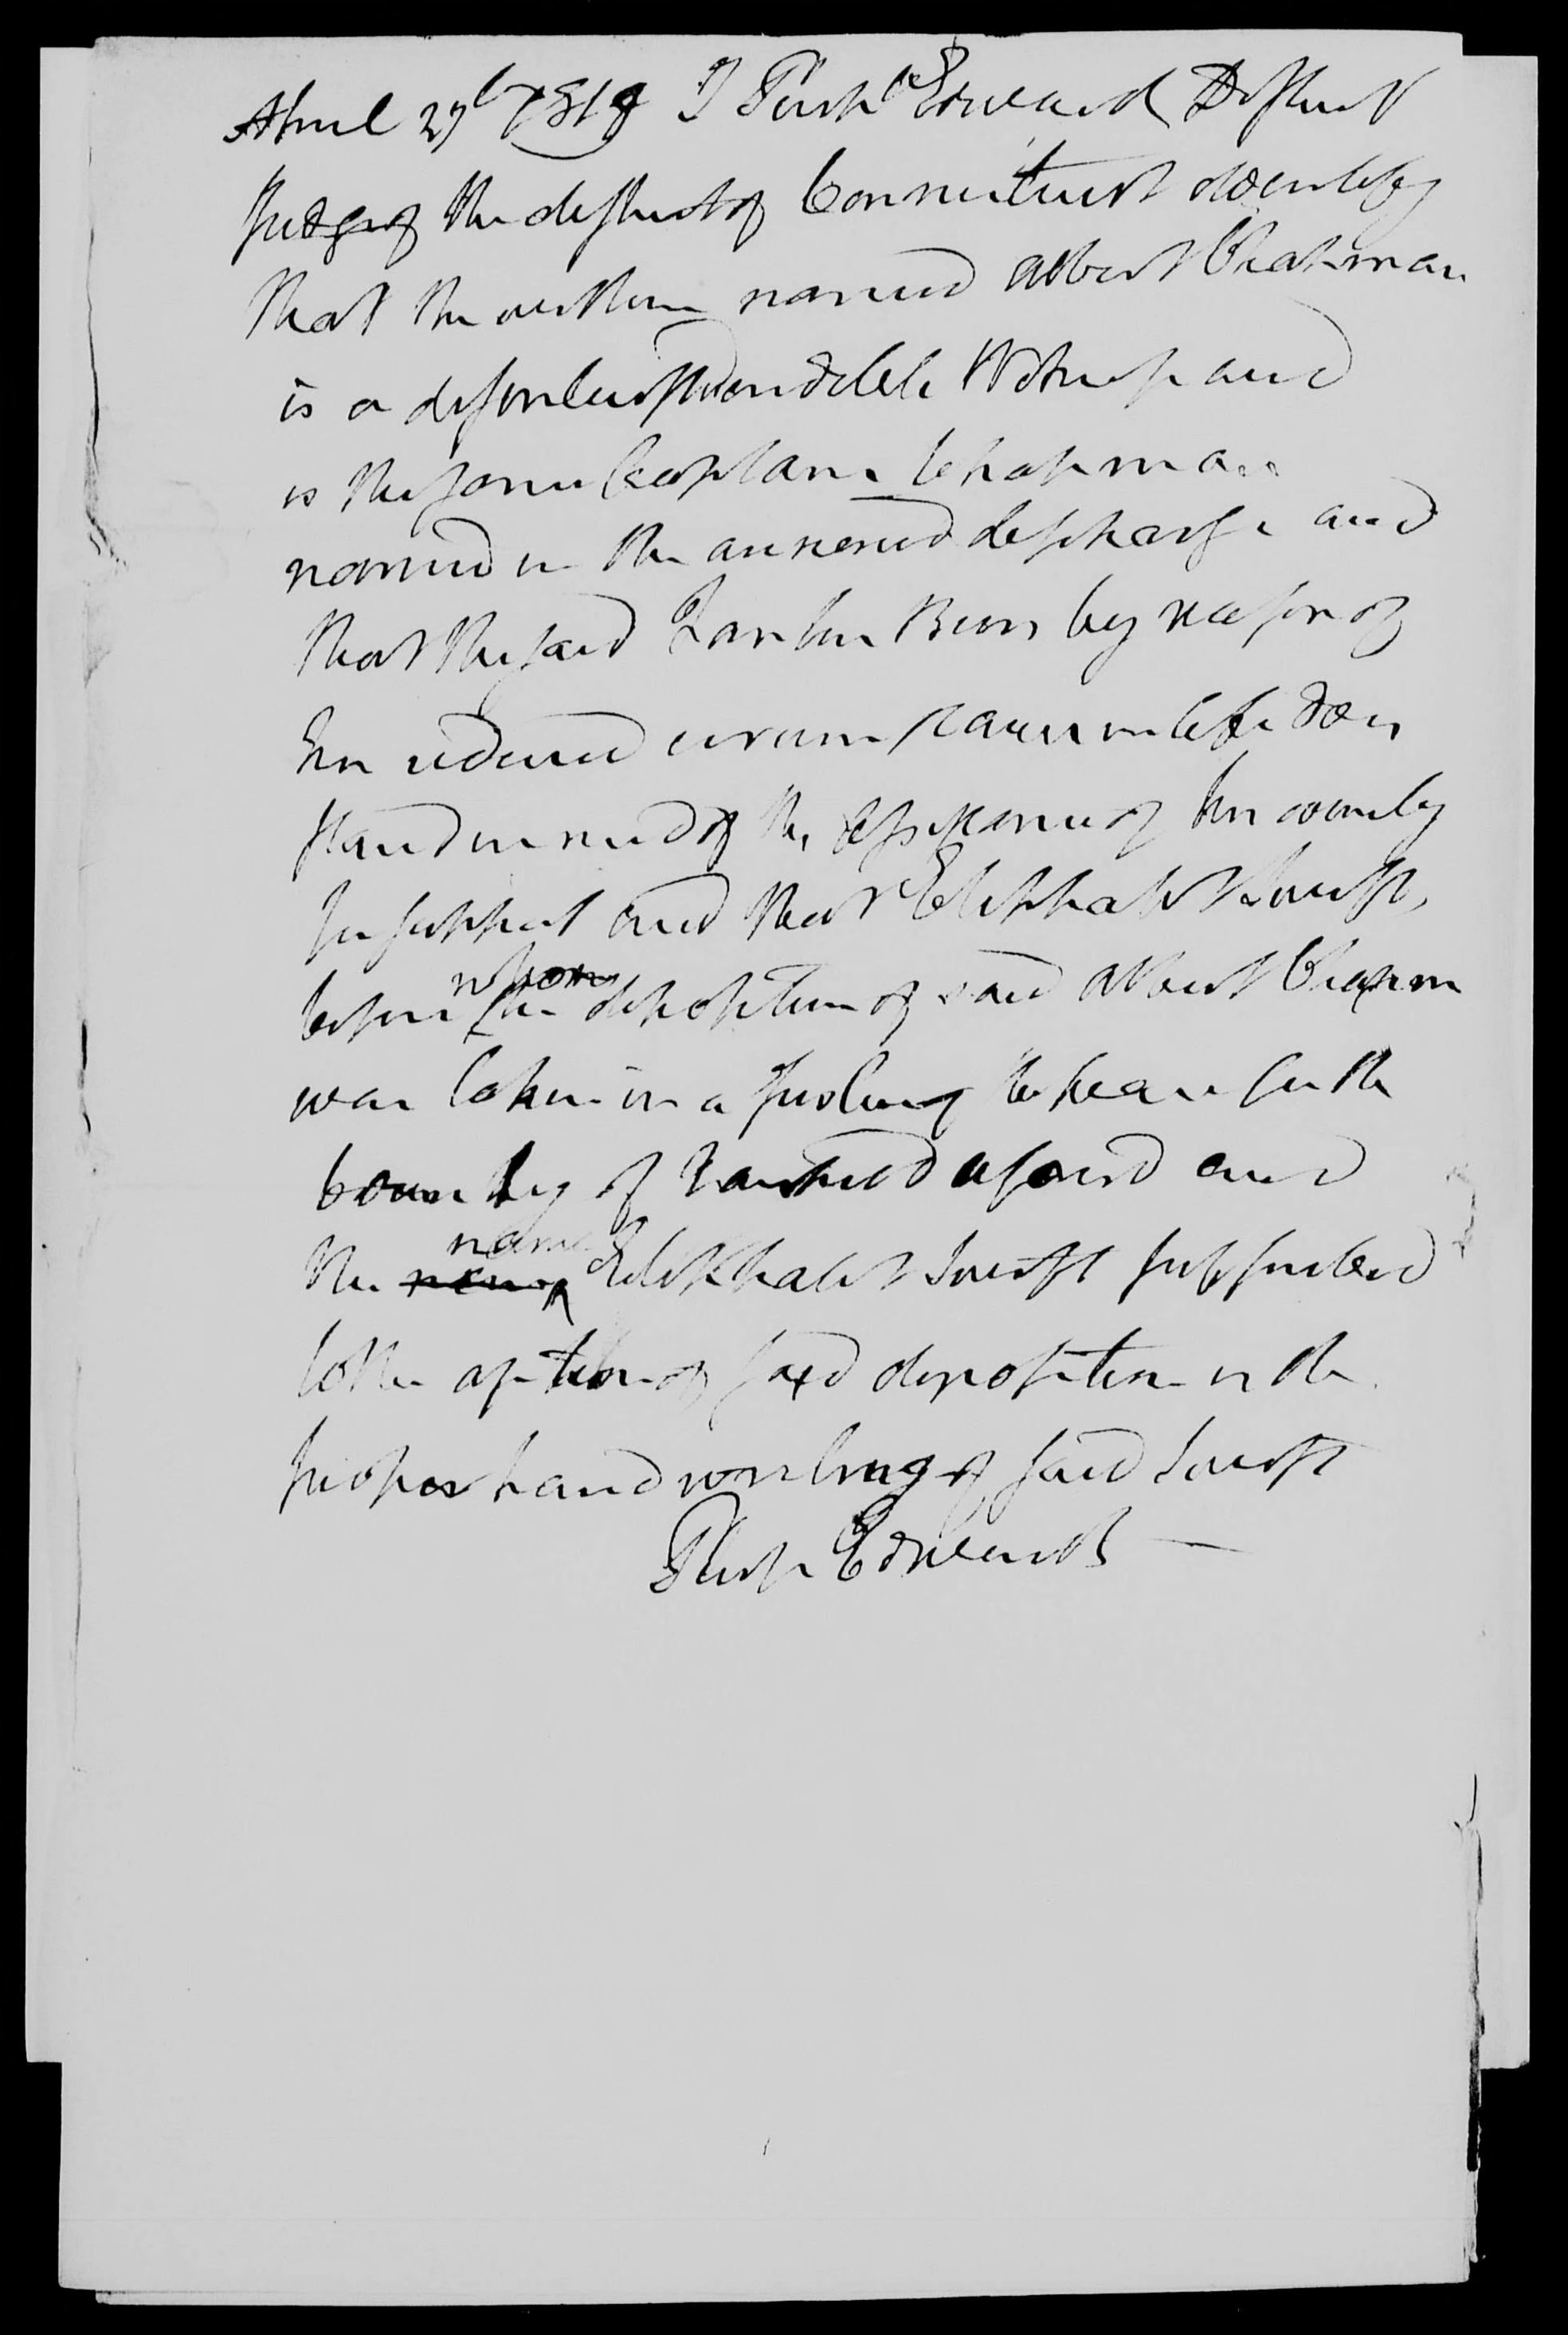April 27 1818 I Pierp't Edward District Judge of the district of Connecticut [illegible] that the written named Albert Chapman is a [illegible]  and is the same Captain Chapman named in the annexed discharge and that the said Fanton Beers by naming of Evidence [illegible] [illegible] hand [illegible] of the appeared knowingly for support and that Eliphalet Swift, before whom the deposition of said Albert Chapman was [illegible] in a prolong to be [illegible] bounty of [illegible] afores'd and [illegible] name Eliphalet Swift subscribed to the [illegible] of said deposition in the proper hand working at said Court
Pierpont Edwards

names: Chapman, Pierpt Edward, Fanton Beers, Pierp Edwards, Albert Chapman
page: 18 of 23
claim: survivor's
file: S. 37,750, Fanton Beers, Conn.